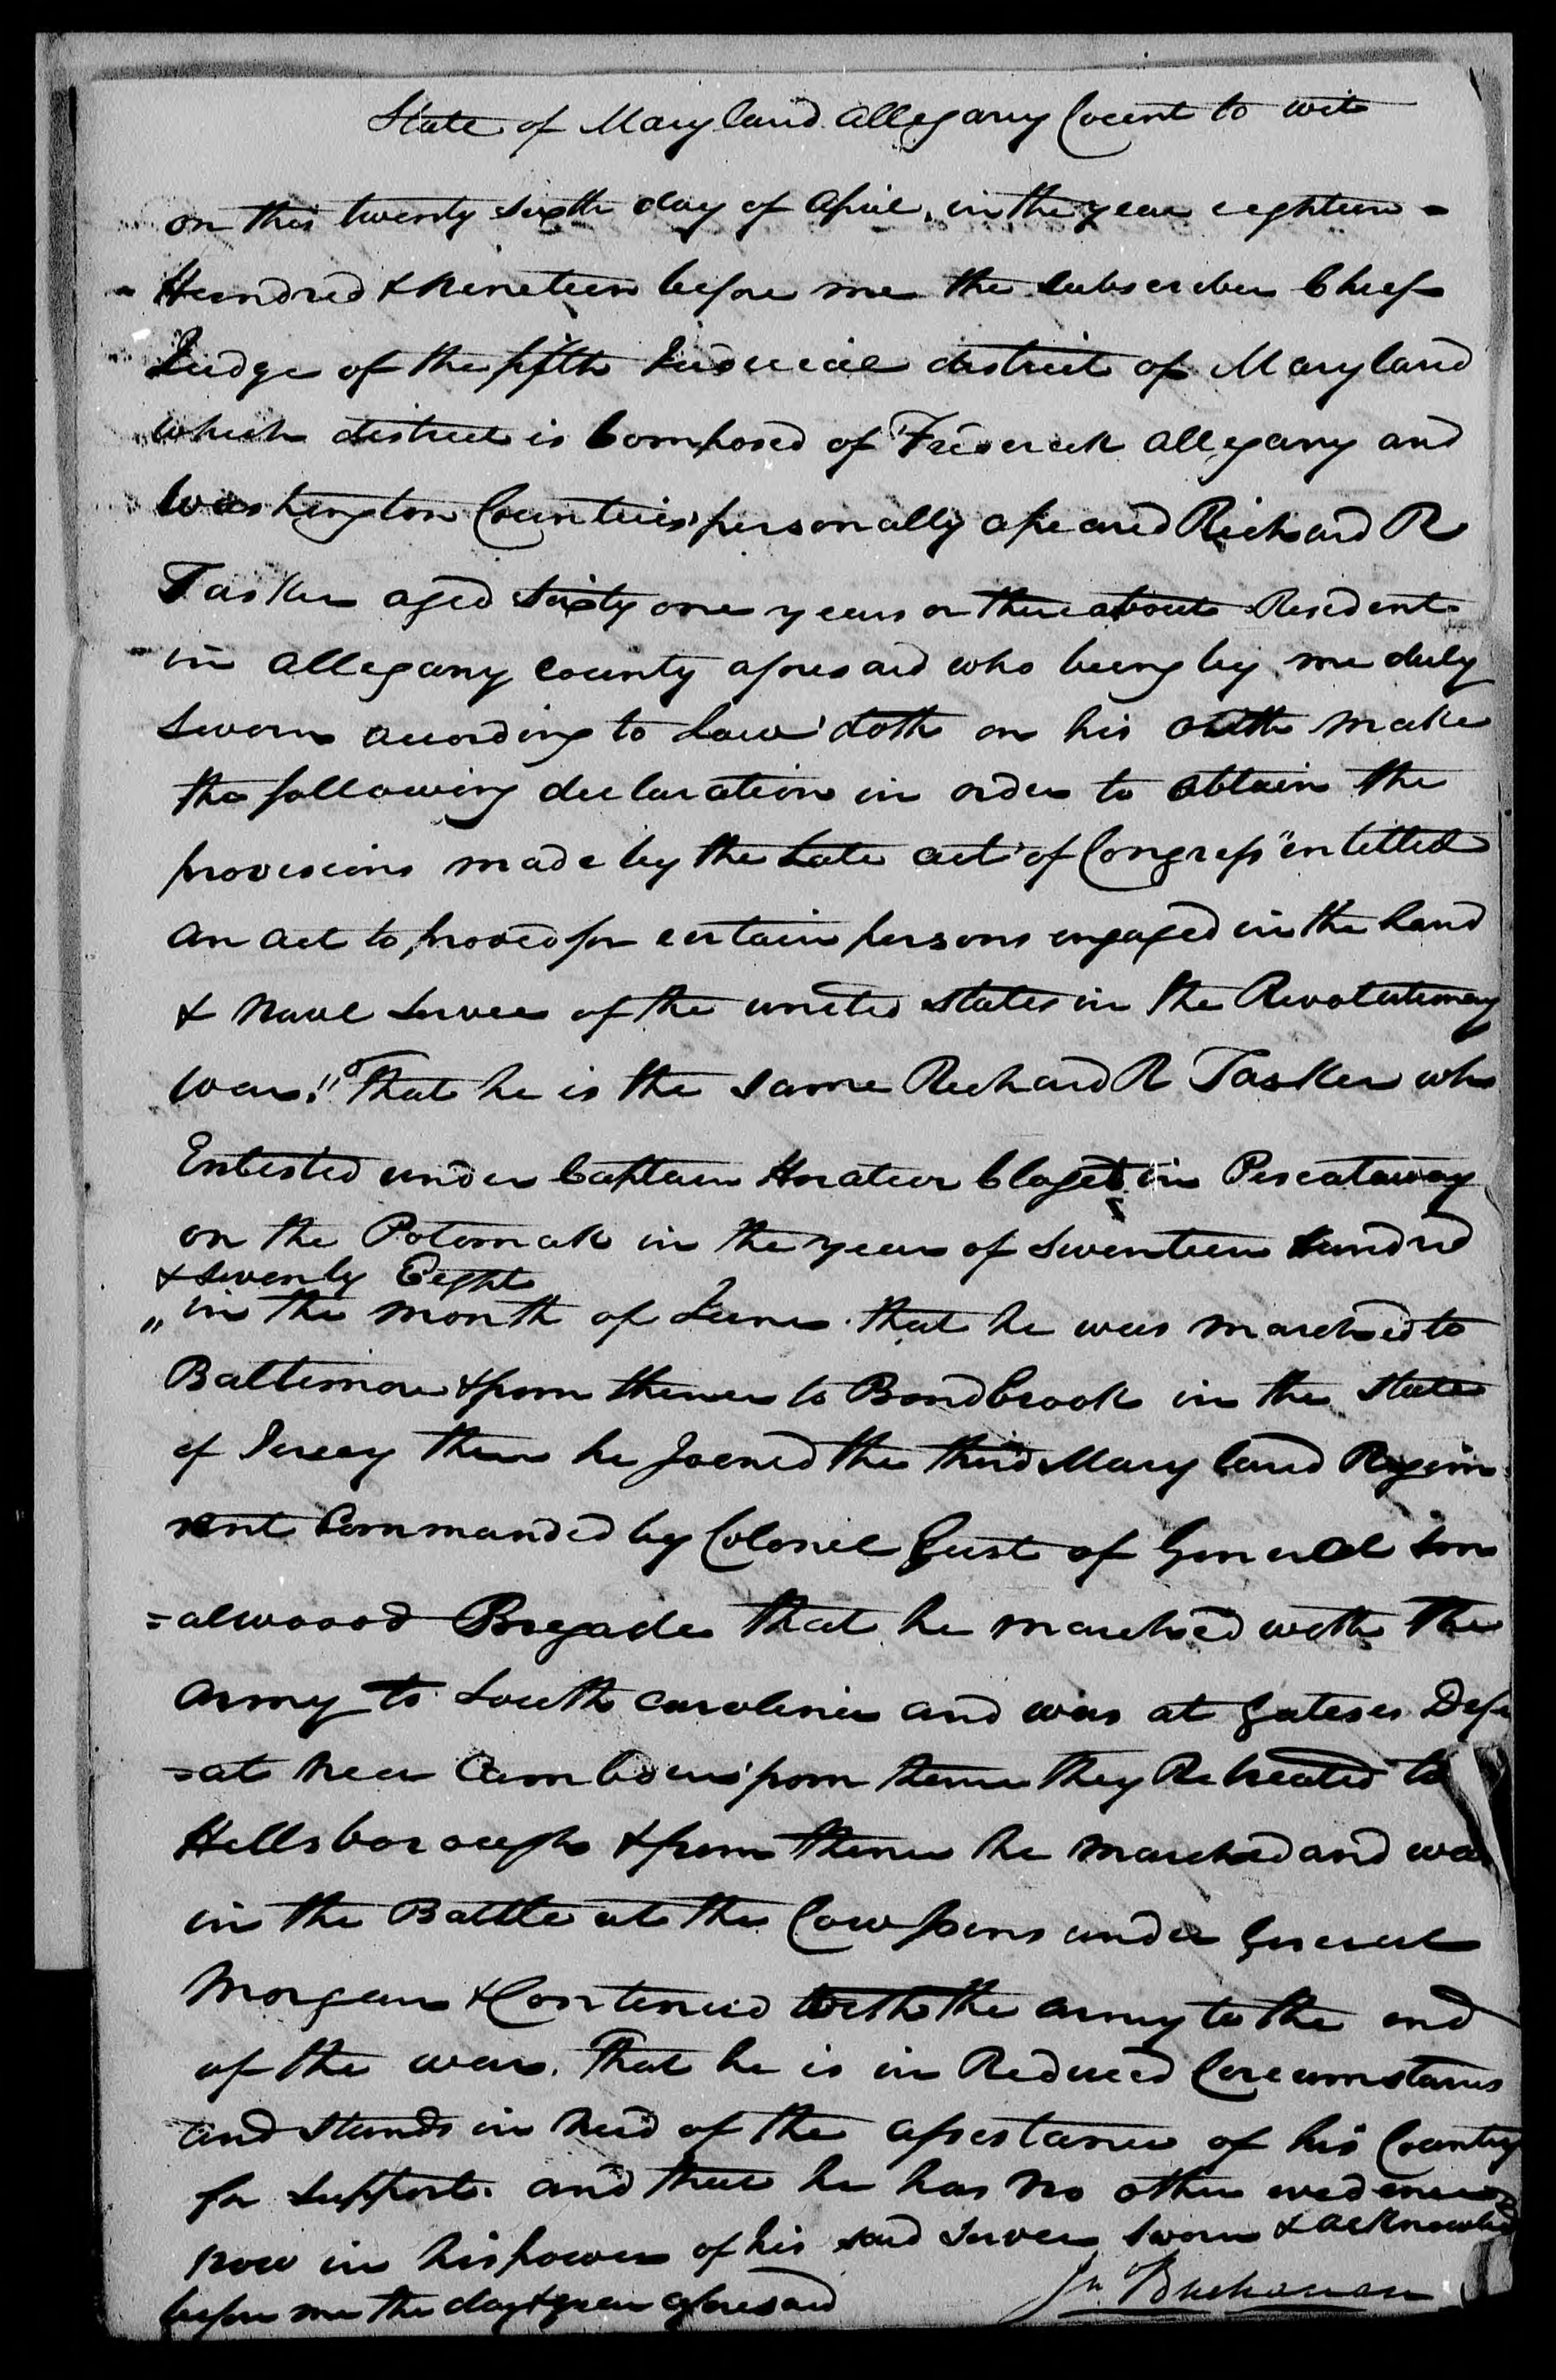State of Maryland Allegany County to wit

On this twenty sixth day of April in the year eighteen Hundred & nineteen before me the subscriber Chief Judge of the fifth Judicial district of Maryland which district is composed of Frederick Allegany and was Kington Countries' personally appeared Richard R Tasker aged Sixty one years or there abouts Resident in Allegany 'County aforesaid who being by me duly Sworn according to Law doth on his oath make the following declaration in order to obtain the provisions made by the Late act of Congress "entitled an act to provide for certain persons engaged in the land & naval Service of the United States in the Revolutionary war." That he is the same Richard R Tasker who Enlisted under Captain Horatio Clagett in Pescataway on the Potomak in the years of Seventeen Hundred & seventy Eight in the month of June that he was marched to Baltimore & from there to Broadbrook in the State of Jersey then he joined the third Maryland Regiment Commanded by Colonel Gust of General Sandalwoood Brigade that he marched with the army to South Carolina and was at Gateses Defeat near Camdens from there they Retreated to (torn edge, illegible word) Hillsborough & from there he marched and was in the Battle at the Cowpens and a General Morgan & Continued with the army to the end of the war. That he is in Reduced Circumstances and stands in need of the assistance of his Country for Support. and that he has no other evidence now in his power of his said (illegible word)  Sworn & acknowledged before me the day & year aforesaid  Jn. Buchanan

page: 12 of 25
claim: survivor's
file: S. 35093, for Richard R Tasker, Maryland